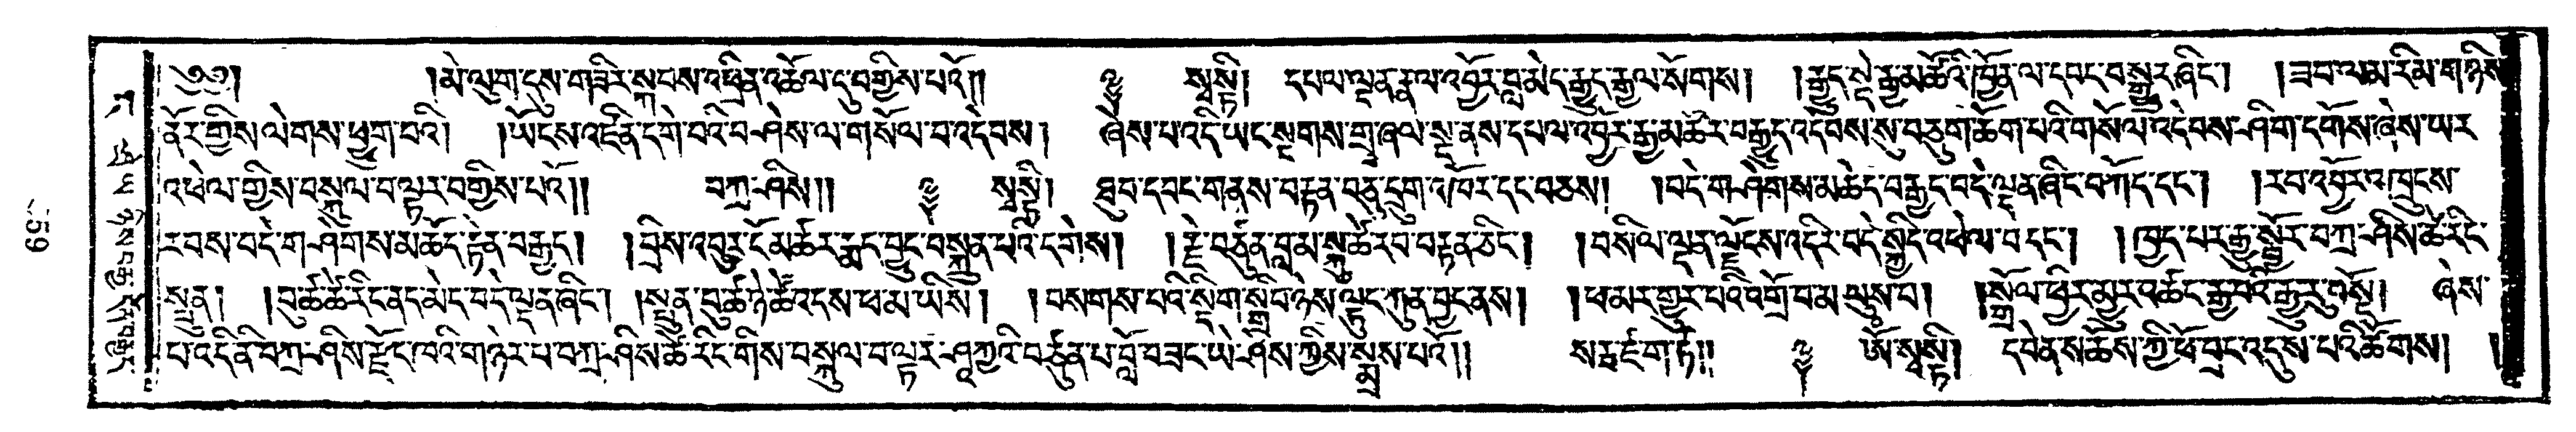༄༅། །མེ་ལུག་དུས་གཟིར་སྐབས་འཕྲིན་འཆོལ་དུ་བགྱིས་པའོ།། ༈ སྭསྟི། དཔལ་ལྡན་རྣལ་འབྱོར་བླ་མེད་རྒྱུད་རྒྱལ་སོགས། །རྒྱུད་སྡེ་རྒྱ་མཚོའི་ཁྱོན་ལ་དབང་བསྒྱུར་ཞིང་། །ཟབ་ལམ་རིམ་གཉིས་
ནོར་གྱིས་ལེགས་ཕྱུག་པའི། །ཡོངས་འཛིན་དགེ་བའི་བཤེས་ལ་གསོལ་བ་འདེབས། ཞེས་པ་འདི་ཡང་སྔགས་གྲྭ་ཞལ་སྔ་ནས་དཔལ་འབྱོར་རྒྱ་མཚོར་བརྒྱུད་འདེབས་སུ་བཅུག་ཆོག་པའི་གསོལ་འདེབས་ཤིག་དགོས་ཞེས་ཡར་
འཕེལ་གྱིས་བསྐུལ་བ་ལྟར་བགྱིས་པའོ།། བཀྲ་ཤིས།། ༈ སྭསྟི། ཐུབ་དབང་གནས་བརྟན་བཅུ་དྲུག་འཁོར་དང་བཅས། །བདེ་གཤེགས་མཆེད་བརྒྱད་བདེ་ལྡན་ཞིང་བཀོད་དང་། །རབ་འབྱོར་འཁྲུངས་
རབས་བདེ་གཤེགས་མཆོད་རྟེན་བརྒྱད། །བྲིས་འབུར་ངོ་མཚར་རྨད་བྱུང་བསྐྲུན་པའི་དགེས། །རྗེ་བཙུན་བླ་མ་སྐུ་ཚེ་རབ་བརྟན་ཅིང་། །བསིལ་ལྡན་ལྗོངས་འདིར་བདེ་སྐྱིད་འཕེལ་བ་དང་། །ཁྱད་པར་རྒྱུ་སྦྱོར་བཀྲ་ཤིས་ཚེ་རིང་
སྤུན། །བུ་ཚ་ཚེ་རིང་ནད་མེད་བདེ་ལྡན་ཞིང་། །སྤུན་བུ་ཚ་ཉེ་ཚེ་འདས་ཕ་མ་ཡིས། །བསགས་པའི་སྡིག་སྒྲིབ་ཉེས་ལྟུང་ཀུན་བྱང་ནས། །ཕ་མར་གྱུར་པའི་འགྲོ་བ་མ་ལུས་པ། །སྒྲོལ་ཕྱིར་མྱུར་འཚང་རྒྱ་བའི་རྒྱུ་རུ་བསྔོ། ཞེས་
པ་འདི་ནི་བཀྲ་ཤིས་རྫོང་ཁའི་གཉེར་པ་བཀྲ་ཤིས་ཚེ་རིང་གིས་བསྐུལ་བ་ལྟར་ཤཱཀྱའི་བཙུན་པ་བློ་བཟང་ཡེ་ཤེས་ཀྱིས་སྨྲས་པའོ།། སརྦ་ཛ་ག་ཏོ།། ༈ ཨོཾ་སྭསྟི། དབེན་ས་ཆོས་ཀྱི་ཕོ་བྲང་འདུས་པའི་ཚོགས། །